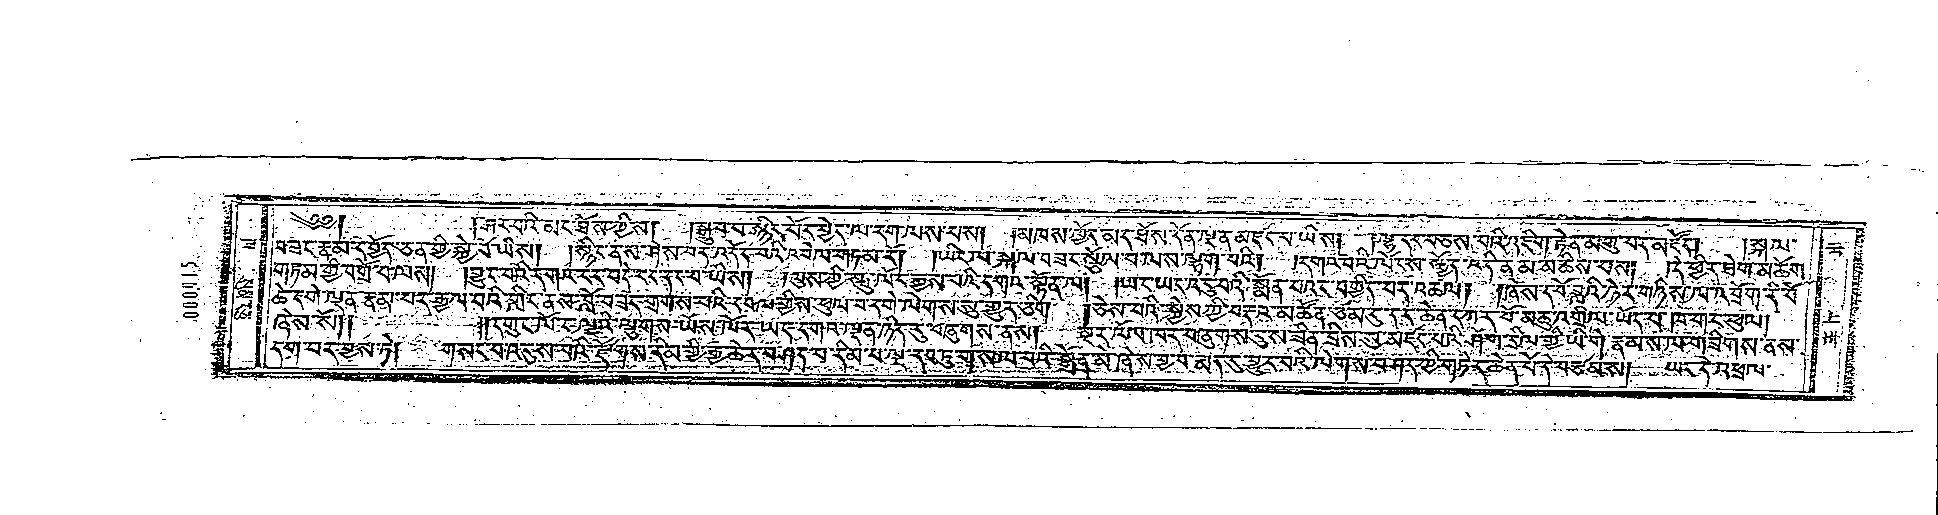༄༅། །ཤར་བའི་མང་ཐོས་ཀྱིས། །སྒྲུབ་པ་སྙིང་པོར་བྱེད་ལ་རག་ལས་པས། །མཁས་ཁྱོད་མང་ཐོས་དོན་ལྡན་མཛད་པ་ཡིས། །ལྷ་དང་བཅས་པའི་འཇིག་རྟེན་མགུ་པར་མཛོད། །སྐལ་
བཟང་རྣམ་དཔྱོད་ཅན་གྱི་སྐྱེ་བོ་ཡིས། །སྙིང་ནས་ཤེས་པར་འདོད་པའི་འབེལ་གཏམ་རོ། །ཡིད་ལ་སྐལ་བཟང་སྩོལ་བ་ལས་ལྷག་པའི། །དགའ་བའི་ལོངས་སྤྱོད་འདི་ནམ་མཆིས་པས། །དེ་ཕྱིར་ཐེག་མཆོག་
གཏམ་གྱི་བགྲོ་བ་ལས། །བྱུང་བའི་དགའ་དང་བདེ་ངང་དང་བ་ཡིས། །ལུས་ཀྱི་སྤུ་ལོང་རྒྱས་པའི་དགའ་སྟོན་ལ། །ཡང་ཡང་འདུ་བའི་སྨོན་པའང་བགྱིད་བར་འཚལ། །ཞེས་དབོ་ཟླའི་ཉེར་གཉིས་ལ་འབྲོག་རི་བོ་
ཆེ་དགེ་ལྡན་རྣམ་པར་རྒྱལ་བའི་གླིང་ནས་བློ་བཟང་གྲགས་པའི་དཔལ་གྱིས་ཕུལ་བ་དགེ་ལེགས་སུ་གྱུར་ཅིག །ཅེས་པའི་སྐྱེས་ཀྱི་བརྡའ་མཚོན་ཙམ་དུ་དང་ཆེན་དཀར་པོ་མཆུ་འགྲིལ་ཡོད་པ་ཁ་གང་ཕུལ།
ཞེས་སོ།། །།དགུང་ལོ་ང་ལྔའི་ལྕགས་ཡོས་ལོར་ཡང་དགའ་ལྡན་ཉིད་དུ་བཞུགས་ནས། སྔར་འོལ་ཁར་བཞུགས་དུས་ཟིན་བྲིས་སུ་མཛད་པའི་ཤོག་དྲིལ་གྱི་ཡི་གེ་རྣམས་ལ་གཟིགས་ནས་
དག་པར་བྱས་ཏེ། གསང་བ་འདུས་པའི་རྫོགས་རིམ་གྱི་རྒྱ་ཆེར་བཤད་པ་རིམ་པ་ལྔ་རབ་ཏུ་གསལ་བའི་སྒྲོན་མེ་ཞེས་བྱ་བ་རྨད་དུ་བྱུང་བའི་ལེགས་བཤད་ཀྱི་གཏེར་ཆེན་པོ་དེ་བརྩམས། ཡང་དེ་འཕྲལ་